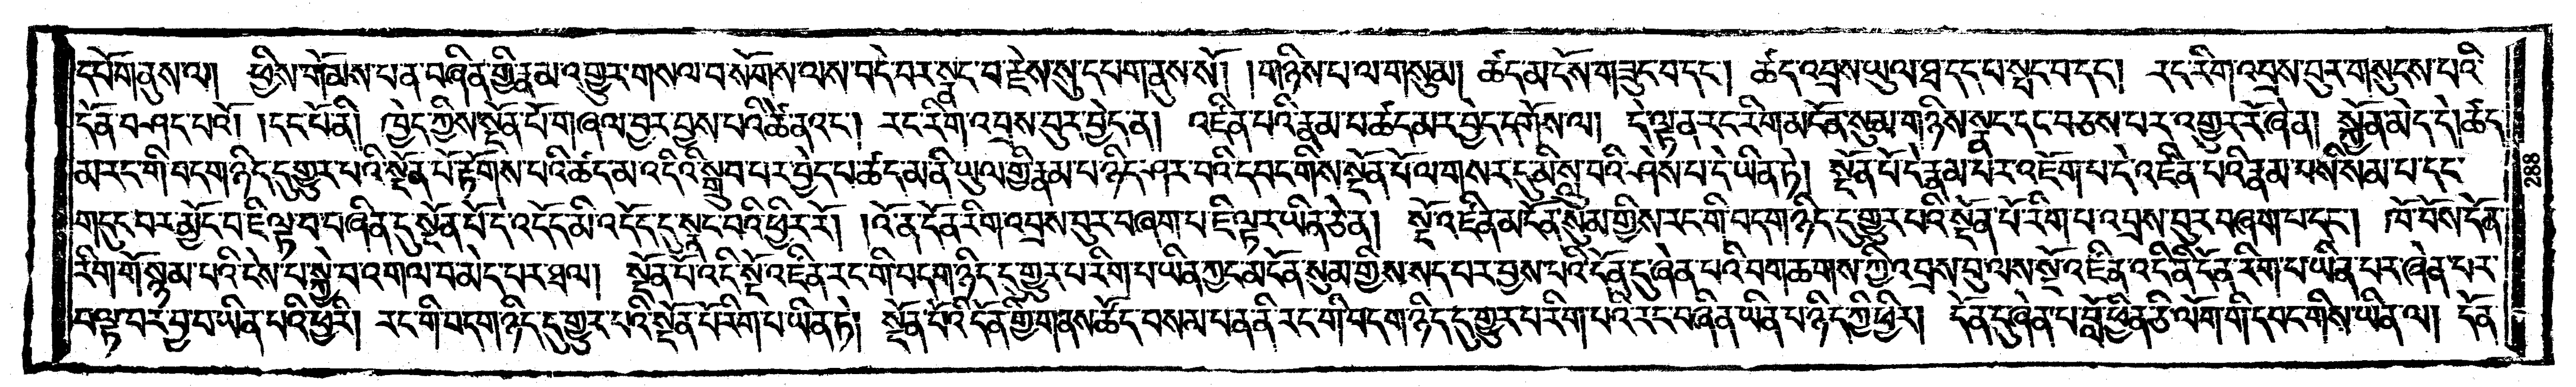དཔོག་ནུས་ལ། ཕྱིས་གོམས་པ་ན་བཞིན་གྱི་རྣམ་འགྱུར་གསལ་བ་སོགས་ལས་བདེ་བར་སྣང་བ་རྗེས་སུ་དཔག་ནུས་སོ། །གཉིས་པ་ལ་གསུམ། ཚད་མ་ངོས་གཟུང་བ་དང་། ཚད་འབྲས་ཡུལ་ཐ་དད་པ་སྤང་བ་དང་། རང་རིག་འབྲས་བུར་གསུངས་པའི་
དོན་བཤད་པའོ། །དང་པོ་ནི། ཁྱེད་ཀྱིས་སྔོན་པོ་གཞལ་བྱར་བྱས་པའི་ཚེ་ནའང་། རང་རིག་འབྲས་བུར་བྱེད་ན། འཛིན་པའི་རྣམ་པ་ཚད་མར་བྱེད་དགོས་ལ། དེ་ལྟ་ན་རང་རིག་མངོན་སུམ་གཉིས་སྣང་དང་བཅས་པར་འགྱུར་རོ་ཞེ་ན། སྐྱོན་མེད་དེ། ཚད་
མ་རང་གི་བདག་ཉིད་དུ་གྱུར་པའི་སྔོན་པོ་རྟོགས་པའི་ཚད་མ་འདིའི་སྒྲུབ་པར་བྱེད་པ་ཚད་མ་ནི་ཡུལ་གྱི་རྣམ་པ་ཉིད་ཤར་བའི་དབང་གིས་སྔོན་པོ་ལ་གསར་དུ་མི་སླུ་བའི་ཤེས་པ་དེ་ཡིན་ཏེ། སྔོན་པོ་དེ་རྣམ་པར་འཇོག་པ་དེ་འཛིན་པའི་རྣམ་པས་སིམ་པ་དང་
གདུང་བར་མྱོང་བ་ཇི་ལྟ་བ་བཞིན་དུ་སྔོན་པོ་དེ་འདོད་མི་འདོད་དུ་སྣང་བའི་ཕྱིར་རོ། །འོ་ན་དོན་རིག་འབྲས་བུར་བཞག་པ་ཇི་ལྟར་ཡིན་ཅེ་ན། སྔོ་འཛིན་མངོན་སུམ་གྱིས་རང་གི་བདག་ཉིད་དུ་གྱུར་པའི་སྔོན་པོ་རིག་པ་འབྲས་བུར་བཞག་པ་དང་། ཁོ་བོས་དོན་
རིག་གོ་སྙམ་པའི་ངེས་པ་སྐྱེ་བ་འགལ་བ་མེད་པར་ཐལ། སྔོན་པོ་འདི་སྔོ་འཛིན་རང་གི་བདག་ཉིད་དུ་གྱུར་པ་རིག་པ་ཡིན་ཀྱང་མངོན་སུམ་གྱིས་སད་པར་བྱས་པའི་དོན་དུ་ཞེན་པའི་བག་ཆགས་ཀྱི་འབྲས་བུ་ལས་སྔོ་འཛིན་འདི་ནི་དོན་རིག་པ་ཡིན་པར་ཞེན་པར་
བལྟ་བར་བྱ་བ་ཡིན་པའི་ཕྱིར། རང་གི་བདག་ཉིད་དུ་གྱུར་པའི་སྔོན་པོ་རིག་པ་ཡིན་ཏེ། སྔོན་པོའི་དོན་གྱི་གནས་ཚོད་བསམ་པ་ན་ནི་རང་གི་བདག་ཉིད་དུ་གྱུར་པ་རིག་པའི་རང་བཞིན་ཡིན་པ་ཉིད་ཀྱི་ཕྱིར། དོན་དུ་ཞེན་པ་བློ་ཕྱིན་ཅི་ལོག་གི་དབང་གིས་ཡིན་ལ། དོན་